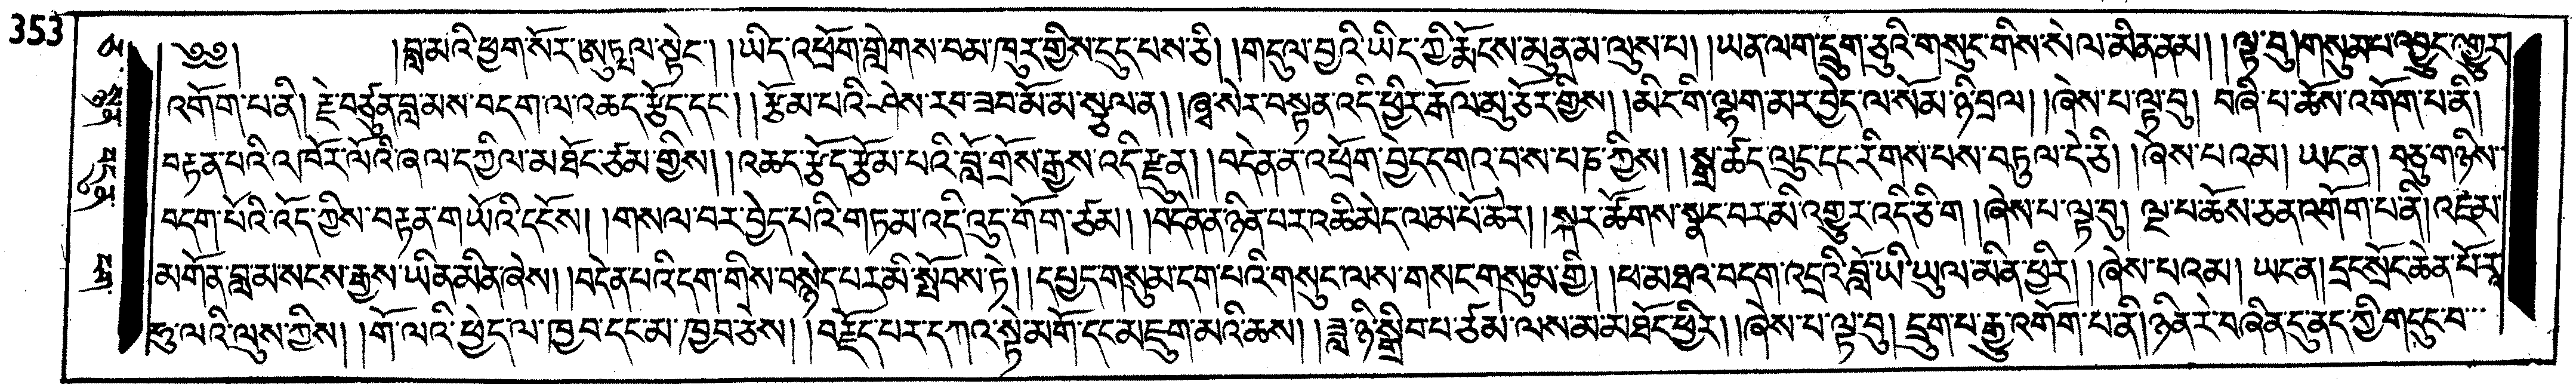༄༅། །བླ་མའི་ཕྱག་སོར་ཨུཏྤལ་སྟེང་། །ཡིད་འཕྲོག་གླེགས་བམ་ཁུར་གྱིས་དུད་པས་ཅི། །གདུལ་བྱའི་ཡིད་ཀྱི་རྨོངས་མུན་མ་ལུས་པ། །ཡན་ལག་དྲུག་ཅུའི་གསུང་གིས་སེལ་མིན་ནམ། །ལྟ་བུ། །གསུམ་པ་འབྱུང་འགྱུར་
འགོག་པ་ནི། རྗེ་བཙུན་བླ་མས་བདག་ལ་འཆད་རྩོད་དང་། །རྩོམ་པའི་ཤེས་རབ་ཟབ་མོ་མ་སྩལ་ན། །ཞྭ་སྲེལ་བསྟན་འདི་ཕྱིར་རྒོལ་མུ་ཅོར་གྱིས། །མིང་གི་ལྷག་མར་བྱེད་ལ་སོམ་ཉི་བྲལ། །ཞེས་པ་ལྟ་བུ། བཞི་པ་ཆོས་འགོག་པ་ནི།
བརྟན་པའི་འཁོར་ལོའི་ཞལ་དཀྱིལ་མཐོང་ཙམ་གྱིས། །འཆད་རྩོད་རྩོམ་པའི་བློ་གྲོས་རྒྱས་འདི་རྫུན། །བདེན་ན་འཕྲོག་བྱེད་དགའ་བས་པཎ་ཀྱིས། །སྒྲ་ཚད་ལུང་དང་རིགས་པས་བཏུལ་དེ་ཅི། །ཞེས་པའམ། ཡང་ན། བཅུ་གཉིས་
བདག་པོའི་འོད་ཀྱིས་བརྟན་གཡོའི་དངོས། །གསལ་བར་བྱེད་པའི་གཏམ་འདི་འུད་གོག་ཙམ། །བདེན་ན་ཉིན་པར་འཆི་མེད་ལམ་པོ་ཆེར། །སྐར་ཚོགས་སྣང་བར་མི་འགྱུར་འདི་ཅི་ག །ཞེས་པ་ལྟ་བུ། ལྔ་པ་ཆོས་ཅན་འགོག་པ་ནི། འཇམ་
མགོན་བླ་མ་སངས་རྒྱས་ཡིན་མིན་ཞེས། །བདེན་པའི་དག་གིས་བསྙེད་པར་མི་སྤོབས་ཏེ། །དཔྱད་གསུམ་དག་པའི་གསུངས་ལས་གསང་གསུམ་གྱི། །ཕ་མཐའ་བདག་འདྲའི་བློ་ཡི་ཡུལ་མིན་ཕྱིར། །ཞེས་པའམ། ཡང་ན། དྲང་སྲོང་ཆེན་པོ་རཱ་
ཧུ་ལའི་ལུས་ཀྱིས། །གོ་ལའི་ཕྱེད་ལ་ཁྱབ་དང་མ་ཁྱབ་ཅེས། །བརྗོད་པར་དཀའ་སྟེ་མགོ་དང་མཇུག་མའི་ཆས། །ཟླ་ཉི་སྒྲིབ་པ་ཙམ་ལས་མ་མཐོང་ཕྱིར། །ཞེས་པ་ལྟ་བུ། །དྲུག་པ་རྒྱུ་འགོག་པ་ནི། ཉིན་རེ་བཞིན་དུ་ནད་ཀྱི་གདུང་བ་